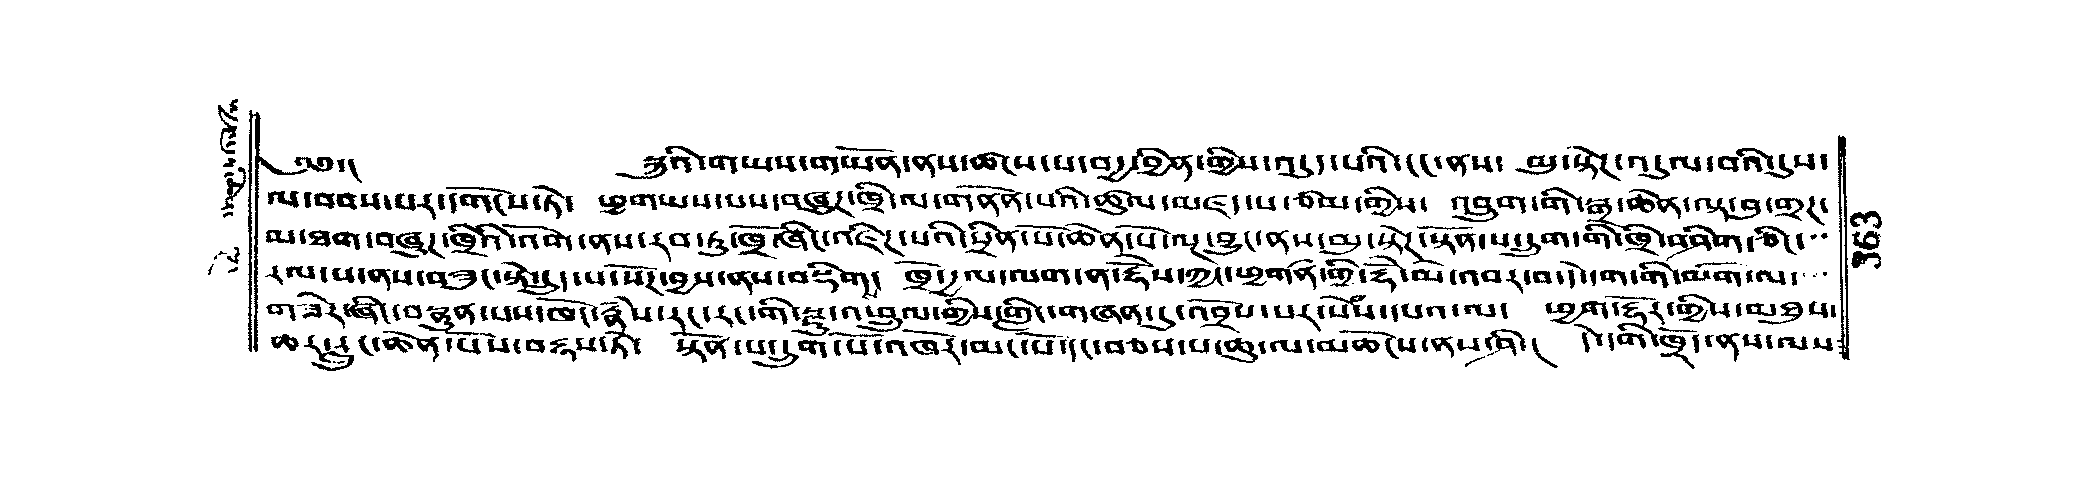སྐུའི་གཡས་གཡོན་ནས་ཚངས་པ་བརྒྱ་བྱིན་གྱིས་འདུད་པའི་ངང་ནས། མུ་སྟེགས་འདུལ་བའི་དུས་
ལ་བབས་པར་དགོངས་ཏེ། ཕྱག་གཡས་པས་བཞུགས་ཁྲིར་ལ་གནོན་པའི་ཚུལ་མཛད་པ་ཙམ་གྱིས།འབྲུག་གི་སྒྲ་ཆེན་ལྟ་བུ་གྲགས་
མ་ཐག་བཞུགས་ཁྲིའི་འོག་ནས་རབ་ཏུ་ཁྲོ་ཞིང་འཇིགས་པའི་སྲིན་པོ་ཆེན་པོ་ལྔ་བྱུང་ནས་མུ་སྟེགས་སྟོན་པ་དྲུག་གི་ཁྲི་བཤིག་ཅིང་
རལ་པ་ནས་བཟུང་སྟེ་དྲུད་པ་སོགས་བྱས་ནས་བསྡིགས། ཁྲོ་རྒྱལ་ལག་ན་རྡོ་རྗེས་ཀྱང་ཕྱག་མཚན་གྱི་རྡོ་རྗེ་མེ་འབར་བ་དེ་དག་གི་མགོ་ལ་
གཟེར་ཞིང་བསྣུན་པས་ཁོང་རྣམས་རང་རང་གི་རྫུ་འཕྲུལ་གྱིས་གླིང་གཞན་དུ་འབྲོས་པར་སེམས་དཔའ་ལ། ཕྱག་རྡོར་གྱིས་མཐུས་
ཆར་རླུང་ཆེན་པོས་བརྡས་ཏེ། སྟོན་པ་དྲུག་པོ་འཁོར་མང་པོ་དང་བཅས་པ་ཆུ་ལ་མཆོངས་ནས་ཤི། དེ་དག་གི་ཁྲོད་ནས་ལས་